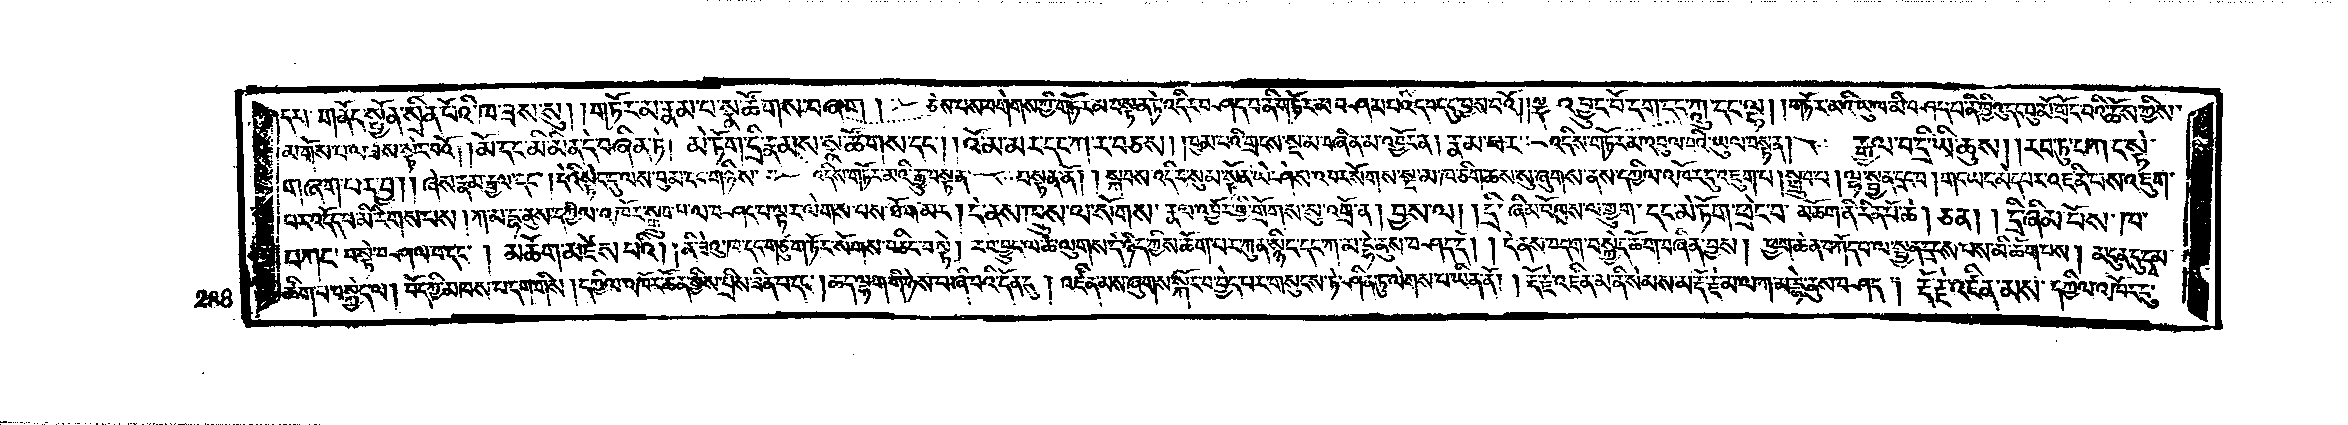དར་གནོད་སྦྱིན་སྲིན་པོའི་ཁ་ཟས་སུ། །གཏོར་མ་རྣམ་པ་སྣ་ཚོགས་བཞག །ཅེས་པས་བགེགས་ཀྱི་གཏོར་མ་བསྟན་ཏེ་འདིར་བཤད་པ་ནི་གཏོར་མ་བཤམ་པའི་དབང་དུ་བྱས་པའོ།། ༈འབྱུང་པོ་དག་དང་ཀླུ་དང་ལྷ། །གཏོར་མའི་ཡུལ་མི་བཤད་པ་ནི་ཁྱིའུ་དང་བུ་མོ་གྲོང་བའི་ཆོས་ཀྱིས་
མ་གོས་པ་ལ་ཟས་སྟེར་བའོ། །མོ་དང་མི་མིན་དེ་བཞིན་ཏེ། །མེ་ཏོག་དྲི་རྣམས་སྣ་ཚོགས་དང་། །འོ་མ་མར་དང་ཀ་ར་བཅས། །བུམ་པའི་གྲངས་སྔ་མ་བཞིན་མ་འབྱོར་ན།  རྣམ་པར་འདིས་གཏོར་མ་འབུལ་བའི་ཡུལ་བསྟན།  རྒྱལ་བ་དྲི་ཡི་ཆུས། །རབ་ཏུ་པ་ཀ་བ་སྟེ་
གཞག་པར་བྱ། །ཞེས་རྣམ་རྒྱལ་དང་། དེའི་སྟེང་དུ་ལས་བུམ་དང་གཉིས་འདིས་གཏོར་མའི་རྒྱུ་བསྟན་བསྟན་ནོ། །སྐབས་འདིར་སུམ་སྟོན་ཡེ་ཤེས་འབར་སོགས་སྔ་མ་ཁ་ཅིག་ཆས་སུ་ཞུགས་ནས་དཀྱིལ་འཁོར་དུ་འཇུག་པ། སྒྲུབ་པ། ལྷ་སྤྱན་དྲང་བ། གང་ཡང་མེད་པར་འཛིན་པས་འཇུག་
པར་འདོད་པ་མི་རིགས་པས། ཀ་མ་དྷ་ནུས་དཀྱིལ་འཁོར་སྒྲུབ་པ་ལ་བཤད་པ་ལྟར་ལེགས་པས་ཐོག་མར། དེ་ནས་ཁྲུས་ལ་སོགས་རྣལ་འབྱོར་གྱི་གྲོགས་སུ་འགྲོ་ན། བྱས་ལ། །དྲི་ཞིམ་པོ་ལུས་ལ་གྱུག་དང་མེ་ཏོག་ཕྲེང་བ་མཆོག་ནི་རིན་པོ་ཆེ།  ཅན། །དྲི་ཞིམ་པོས་ཁ་
བཀང་བསྟ་བཤལ་བ་དང་།  མཆོག་མཛེས་པའི། །ནི་ཟེའུ་ཁ་དང་གཙུག་ཏོར་སོགས་བཅིང་བ་སྟེ། རབ་བྱུང་ལ་ཆ་ལུགས་དེ་ཉིད་ཀྱིས་ཆོག་པར་ཀུན་སྙིང་དང་ཀ་མ་དྷེ་ནུས་བཤད་དོ། །དེ་ནས་བདག་བསྐྱེད་ཆོག་བཞིན་བྱས། ཕྱག་ཆེན་བཀོད་པ་ལ་སྤྱན་དྲངས་པས་མི་ཆོག་པས། མདུན་དུ་དྭམ་
ཚིག་པ་བསྐྱེད་ལ། བོད་ཀྱི་མཁས་པ་དག་གིས་།དཀྱིལ་འཁོར་ཚོན་གྱིས་བྲིས་ཟིན་པ་དང་། ཆད་ལྷག་གཉིས་པ་ཞི་བའི་དོན་དུ། འཛིན་མས་ཞུགས་སྐོར་བ་བྱེད་པར་གསུངས་ཏེ་ཤིན་ཏུ་ལེགས་པ་ཡིན་ནོ། །རྡོ་རྗེ་འཛིན་མ་ནི་སེམས་མ་རྡོ་རྗེ་མ་ལ་ཀ་མ་དྷེ་ནུས་བཤད། རྡོ་རྗེ་འཛིན་མས་དཀྱིལ་འཁོར་དུ་